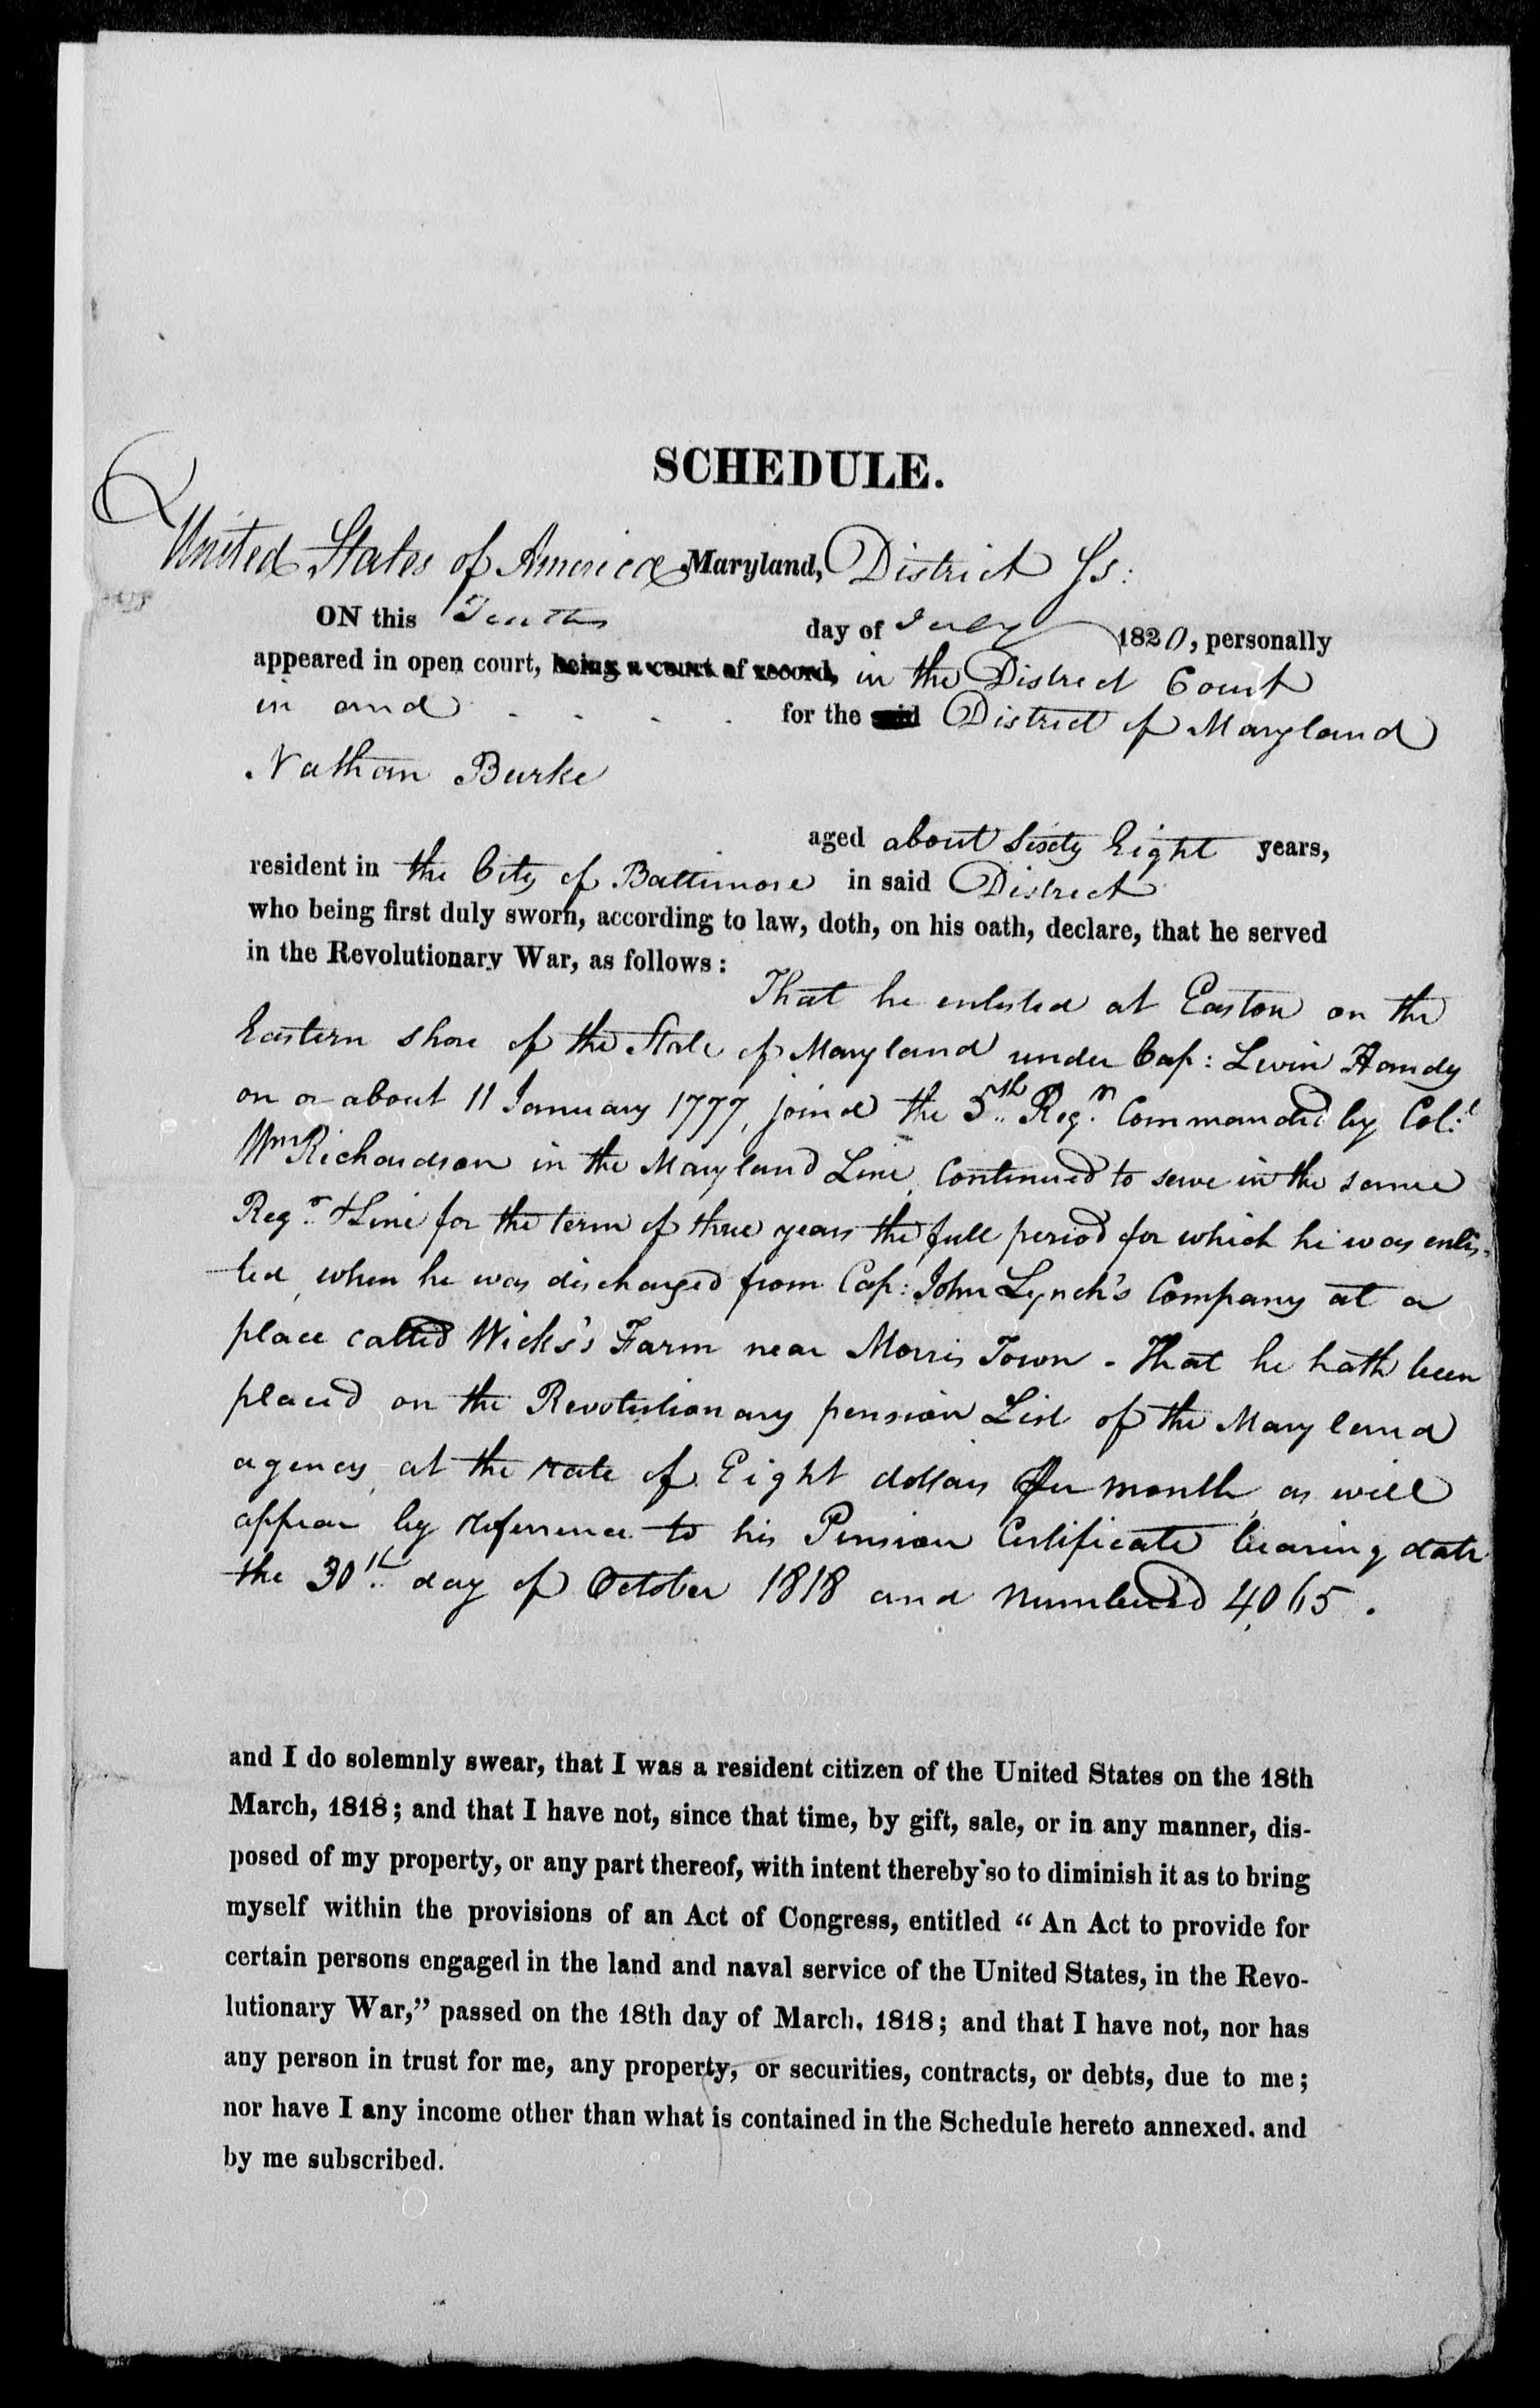SCHEDULE.
United States of America Maryland District
On this Tenth
day of July 1820, personally
appeared in open court, being a court of record, in the District Court
in and for the District of Maryland
Nathan Burke
aged about Sixty Eight years
resident in the City of Baltimore in said District
who being first duly sworn, according to law, doth, on his oath, declare, that he served
in the Revolutionary War, as follows:
That he enlisted at Easton on the
Eastern shore of the State of Maryland under Cap Levin Homdy
on or about 11 January 1777, joined the 5th Regt Commanded by Col
Wm Richardson in the Maryland Line continued to serve in the same
Reg & Line for the term of three years the full period for which he was enlisted when he was discharged from Cap. John Lynch's Company at a place called Wicks's Farm near Morris Town. That he hath placed on the Revolutionary pension List of the Maryland
agency at the rate of Eight dollars per month as will appear by reference to his Pension Certificate bearing date
the 30th day of October 1818 and numbered 4065
and I do solemnly swear, that I was a resident citizen of the United States on the 18th
March, 1818; and that I have not, since that time, by gift, sale, or in any manner, disposed
of my property, or any part thereof, with intent thereby so to diminish it as to bring
myself within the provisions of an Act of Congress, entitled ""An Act to provide for
certain persons engaged in the land and naval service of the United States, in the Revolutionary
War,” passed on the 18th day of March, 1818; and that I have not, nor has
any person in trust for me, any property, or securities, contracts, or debts, due to me;
nor have I any income other than what is contained in the Schedule hereto annexed, and by me subscribed.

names: Wm Richardson, Levin Handy, Nathan Burke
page: 8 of 20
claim: survivor's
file: S. 34674, Nathan Burk, Md.